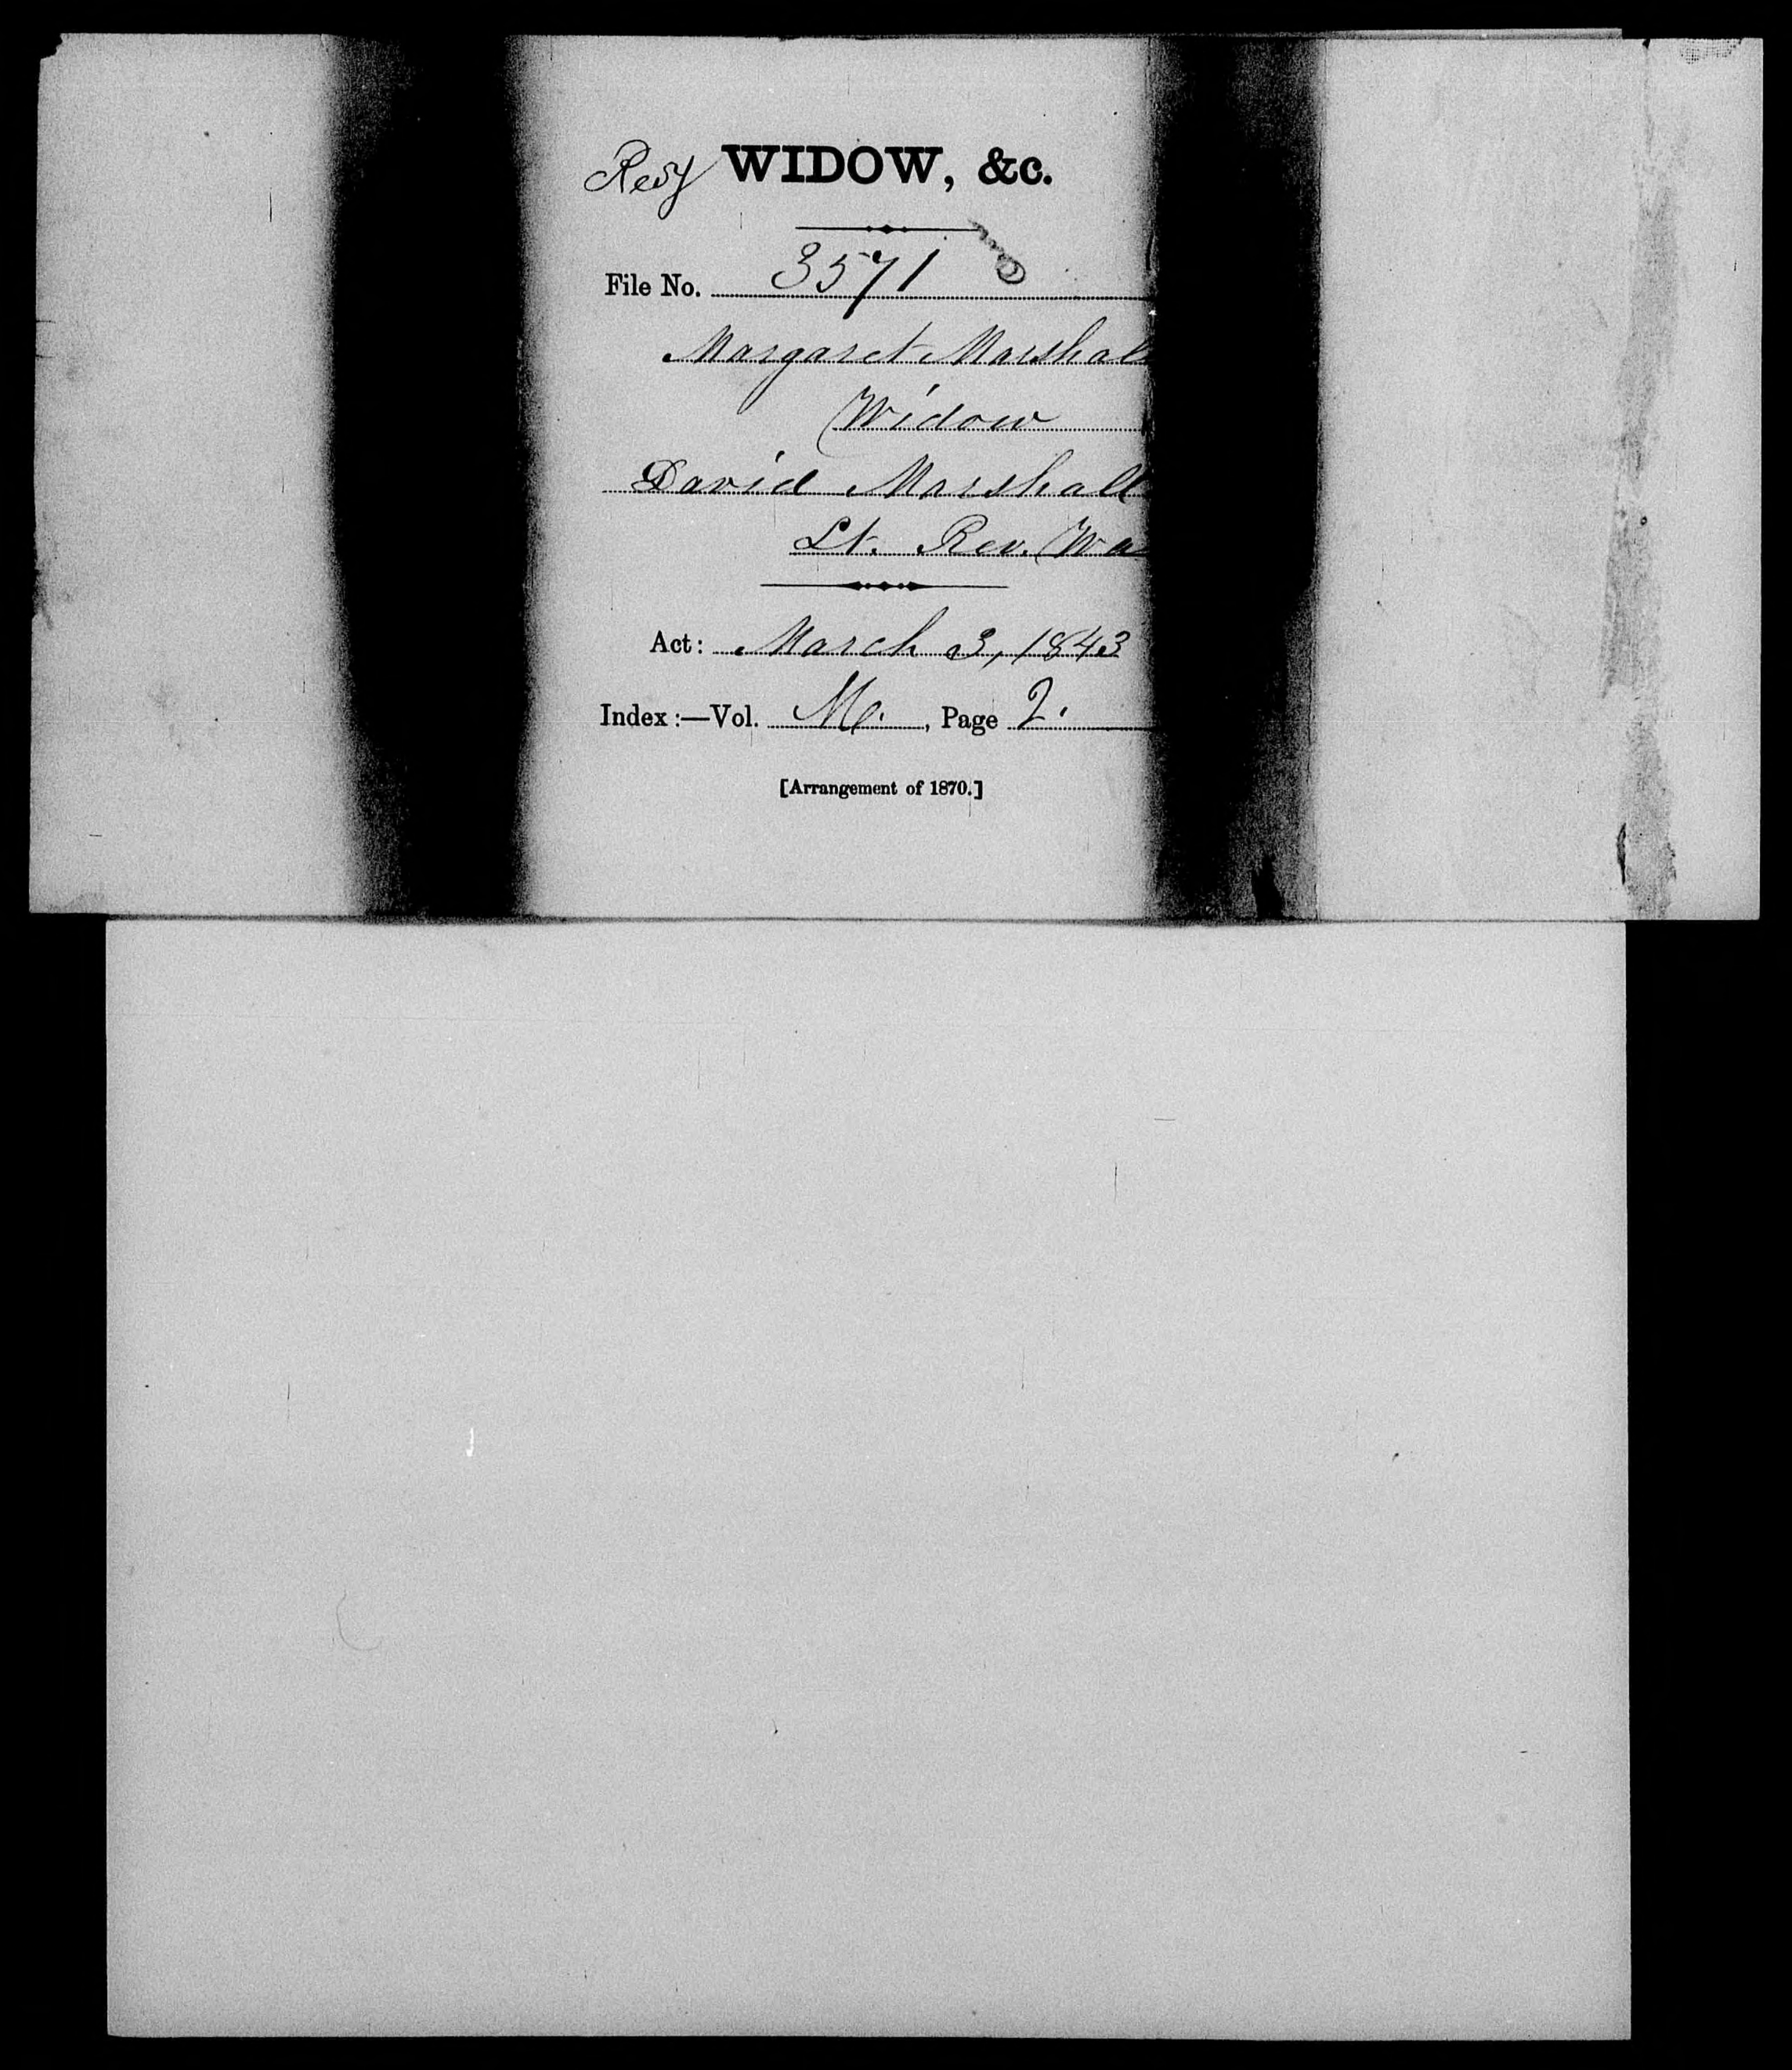Revy WIDOW, &c.
File No 3571
Margaret Marshall
Widow
David Marshall
Lt. Rev. War

Act: March 3, 1843
Index: -- Vol. 16, Page 2.

[Arrangement of 1870.]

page: 26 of 86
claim: widow's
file: W. 3571, for David Marshall, Pennsylvania